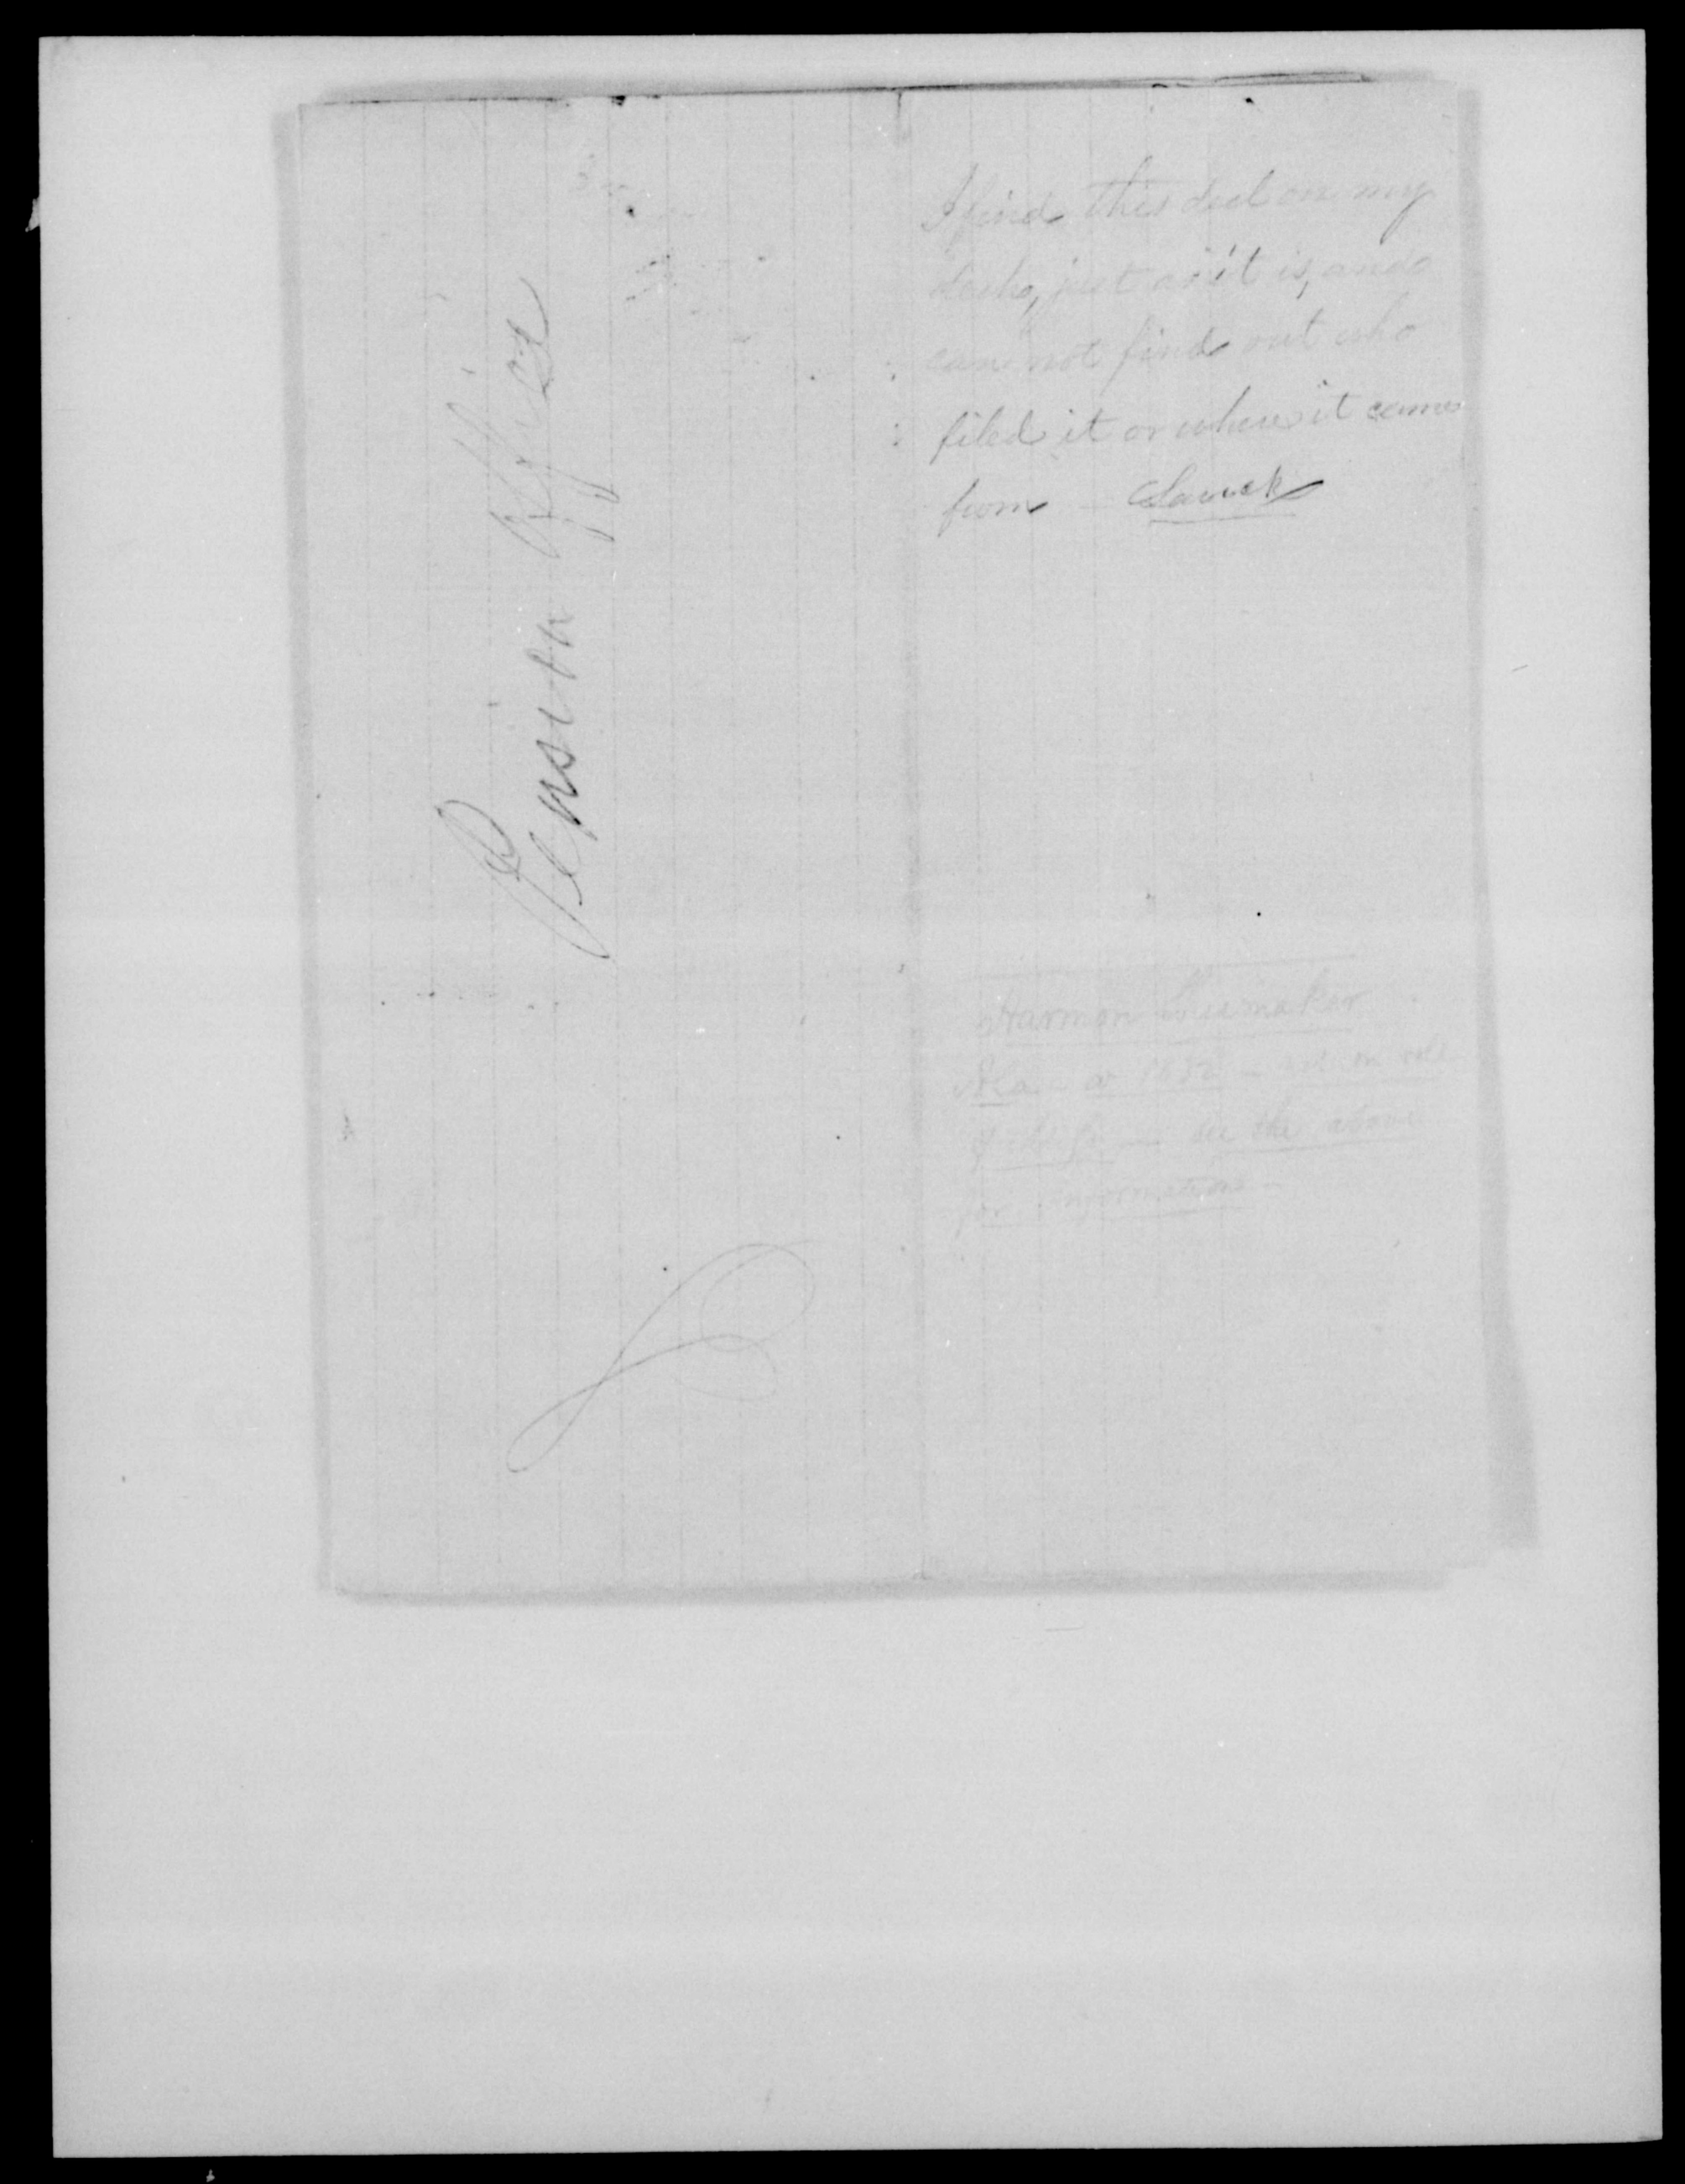Pension Office

I find this decl on my
[illegible], just as it is, and
cannot find out who
filed it or where it came
from   [signature] [illegible]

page: 5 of 20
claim: survivor's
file: S. 32512, for Harmon Shumaker, Maryland